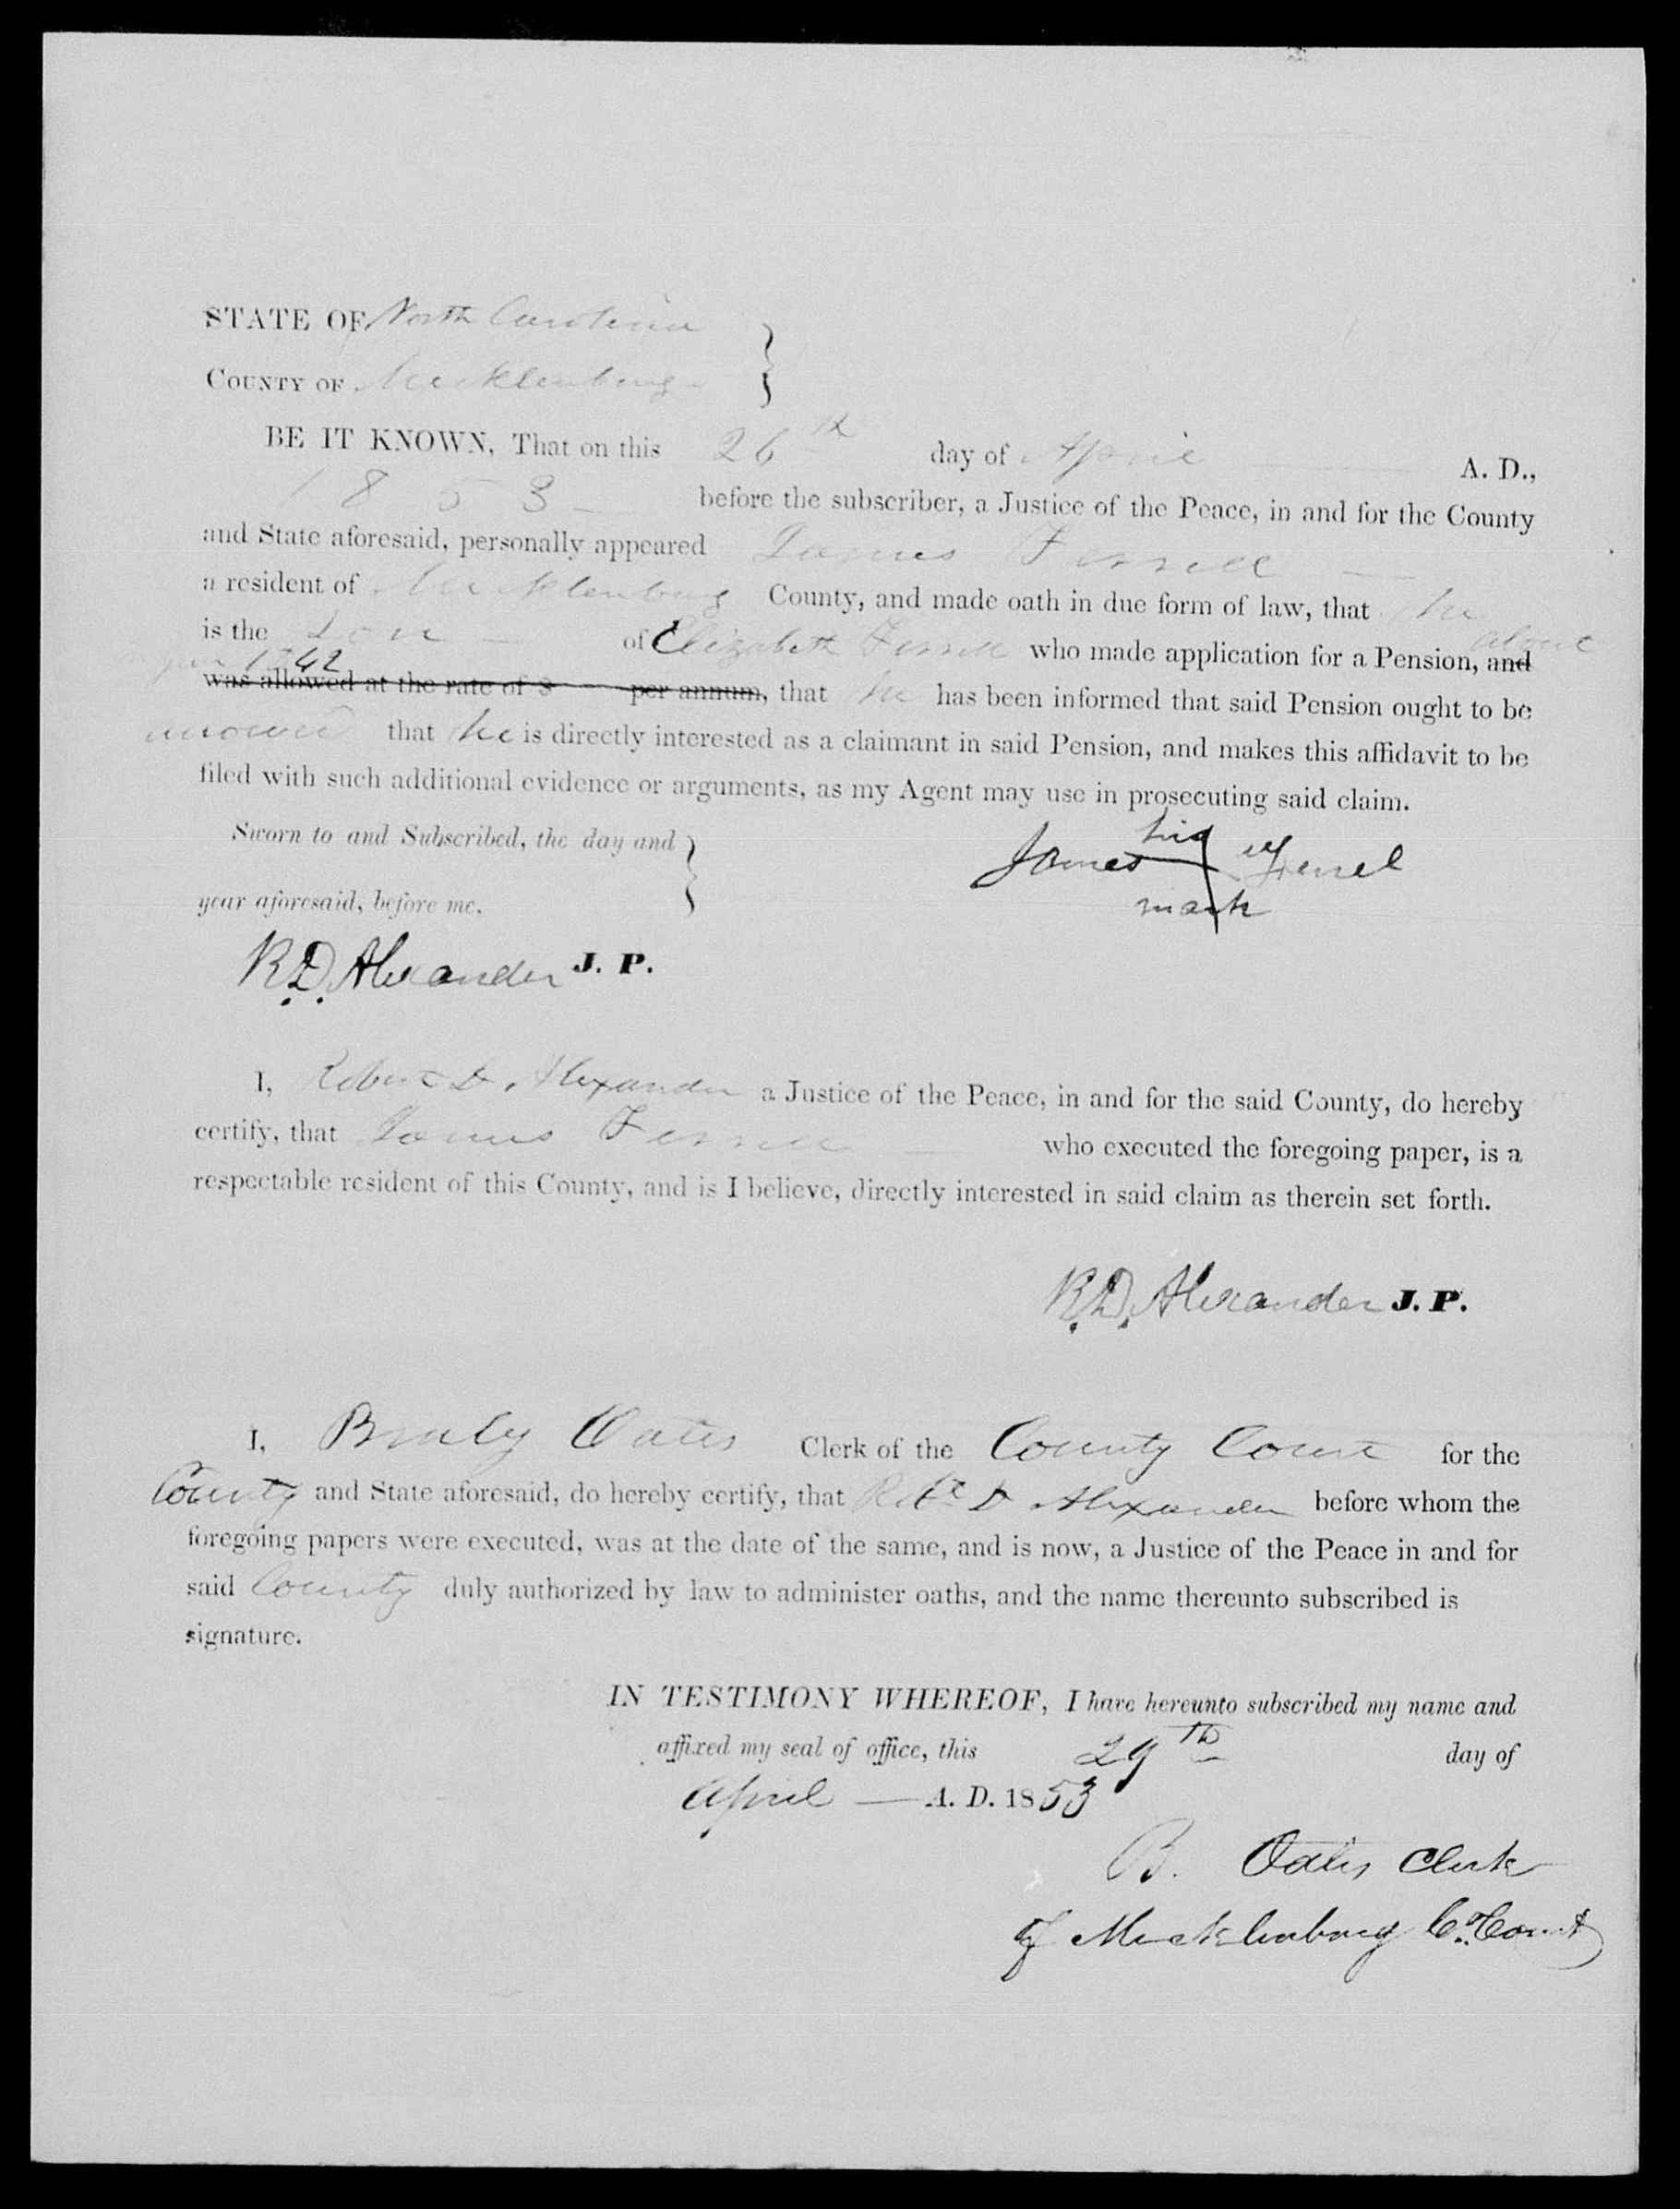State of North Carolina
County of Meckenburgh
BE IT KNOWN, That on this day 26th day of April A.D., 1853 before the subscriber, a Justice of the Peace, in and for the County and State aforesaid, personally appeared James Ferrell a resident of Meckenburgh County, and made oath in due form of law that he is the son of Elizabeth Ferrell who made application for a Pension, about Jan 1842 that he was been informed that said Pension ought to be allowed that he is directly interested as a claimant in said Pension, and makes this affidavit to be filed with such additional evidence or arguments, as my Agent may use in prosecuting said claim.
Sworn to and Subscribed, the day and year aforesaid before me.
R.D. Alexander JP
James Ferrel his mark
I Robert D. Alexander a Justice of the Peace, in and for the said County, do hereby certify that James Ferrell who executed the foregoing paper, is a respectable resident of this County, and is I believe, directly interested in said claim as therein set forth.
R.D. Alexander, JP
I, Brady Oates Clerk of the County Court for teh County and State aforesaid, do hereby certify, that R.D. Alexander before whom the foregoing papers were executed, was at the date of teh same, and is now, a Justice of the Peace in and for said County duly authorized by law to administer oaths, and the name hereunto subscribed is signature.
IN TESTIMONY WHEREOF, I have hereunto subscribed my name and affixed my seal of office this 29th day of April A.D. 1853
B. Oates Clerk
Of Meckenburgh County.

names: Robert D Alexander, R D Alexander, James Ferrel, Braly Oates, James Ferrell, Robt D Alexander, James Ferrell, Elizabeth Ferrell, R D Alexander, B Oates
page: 22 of 52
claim: rejected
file: R. 3,512, John Ferrell, N.C.